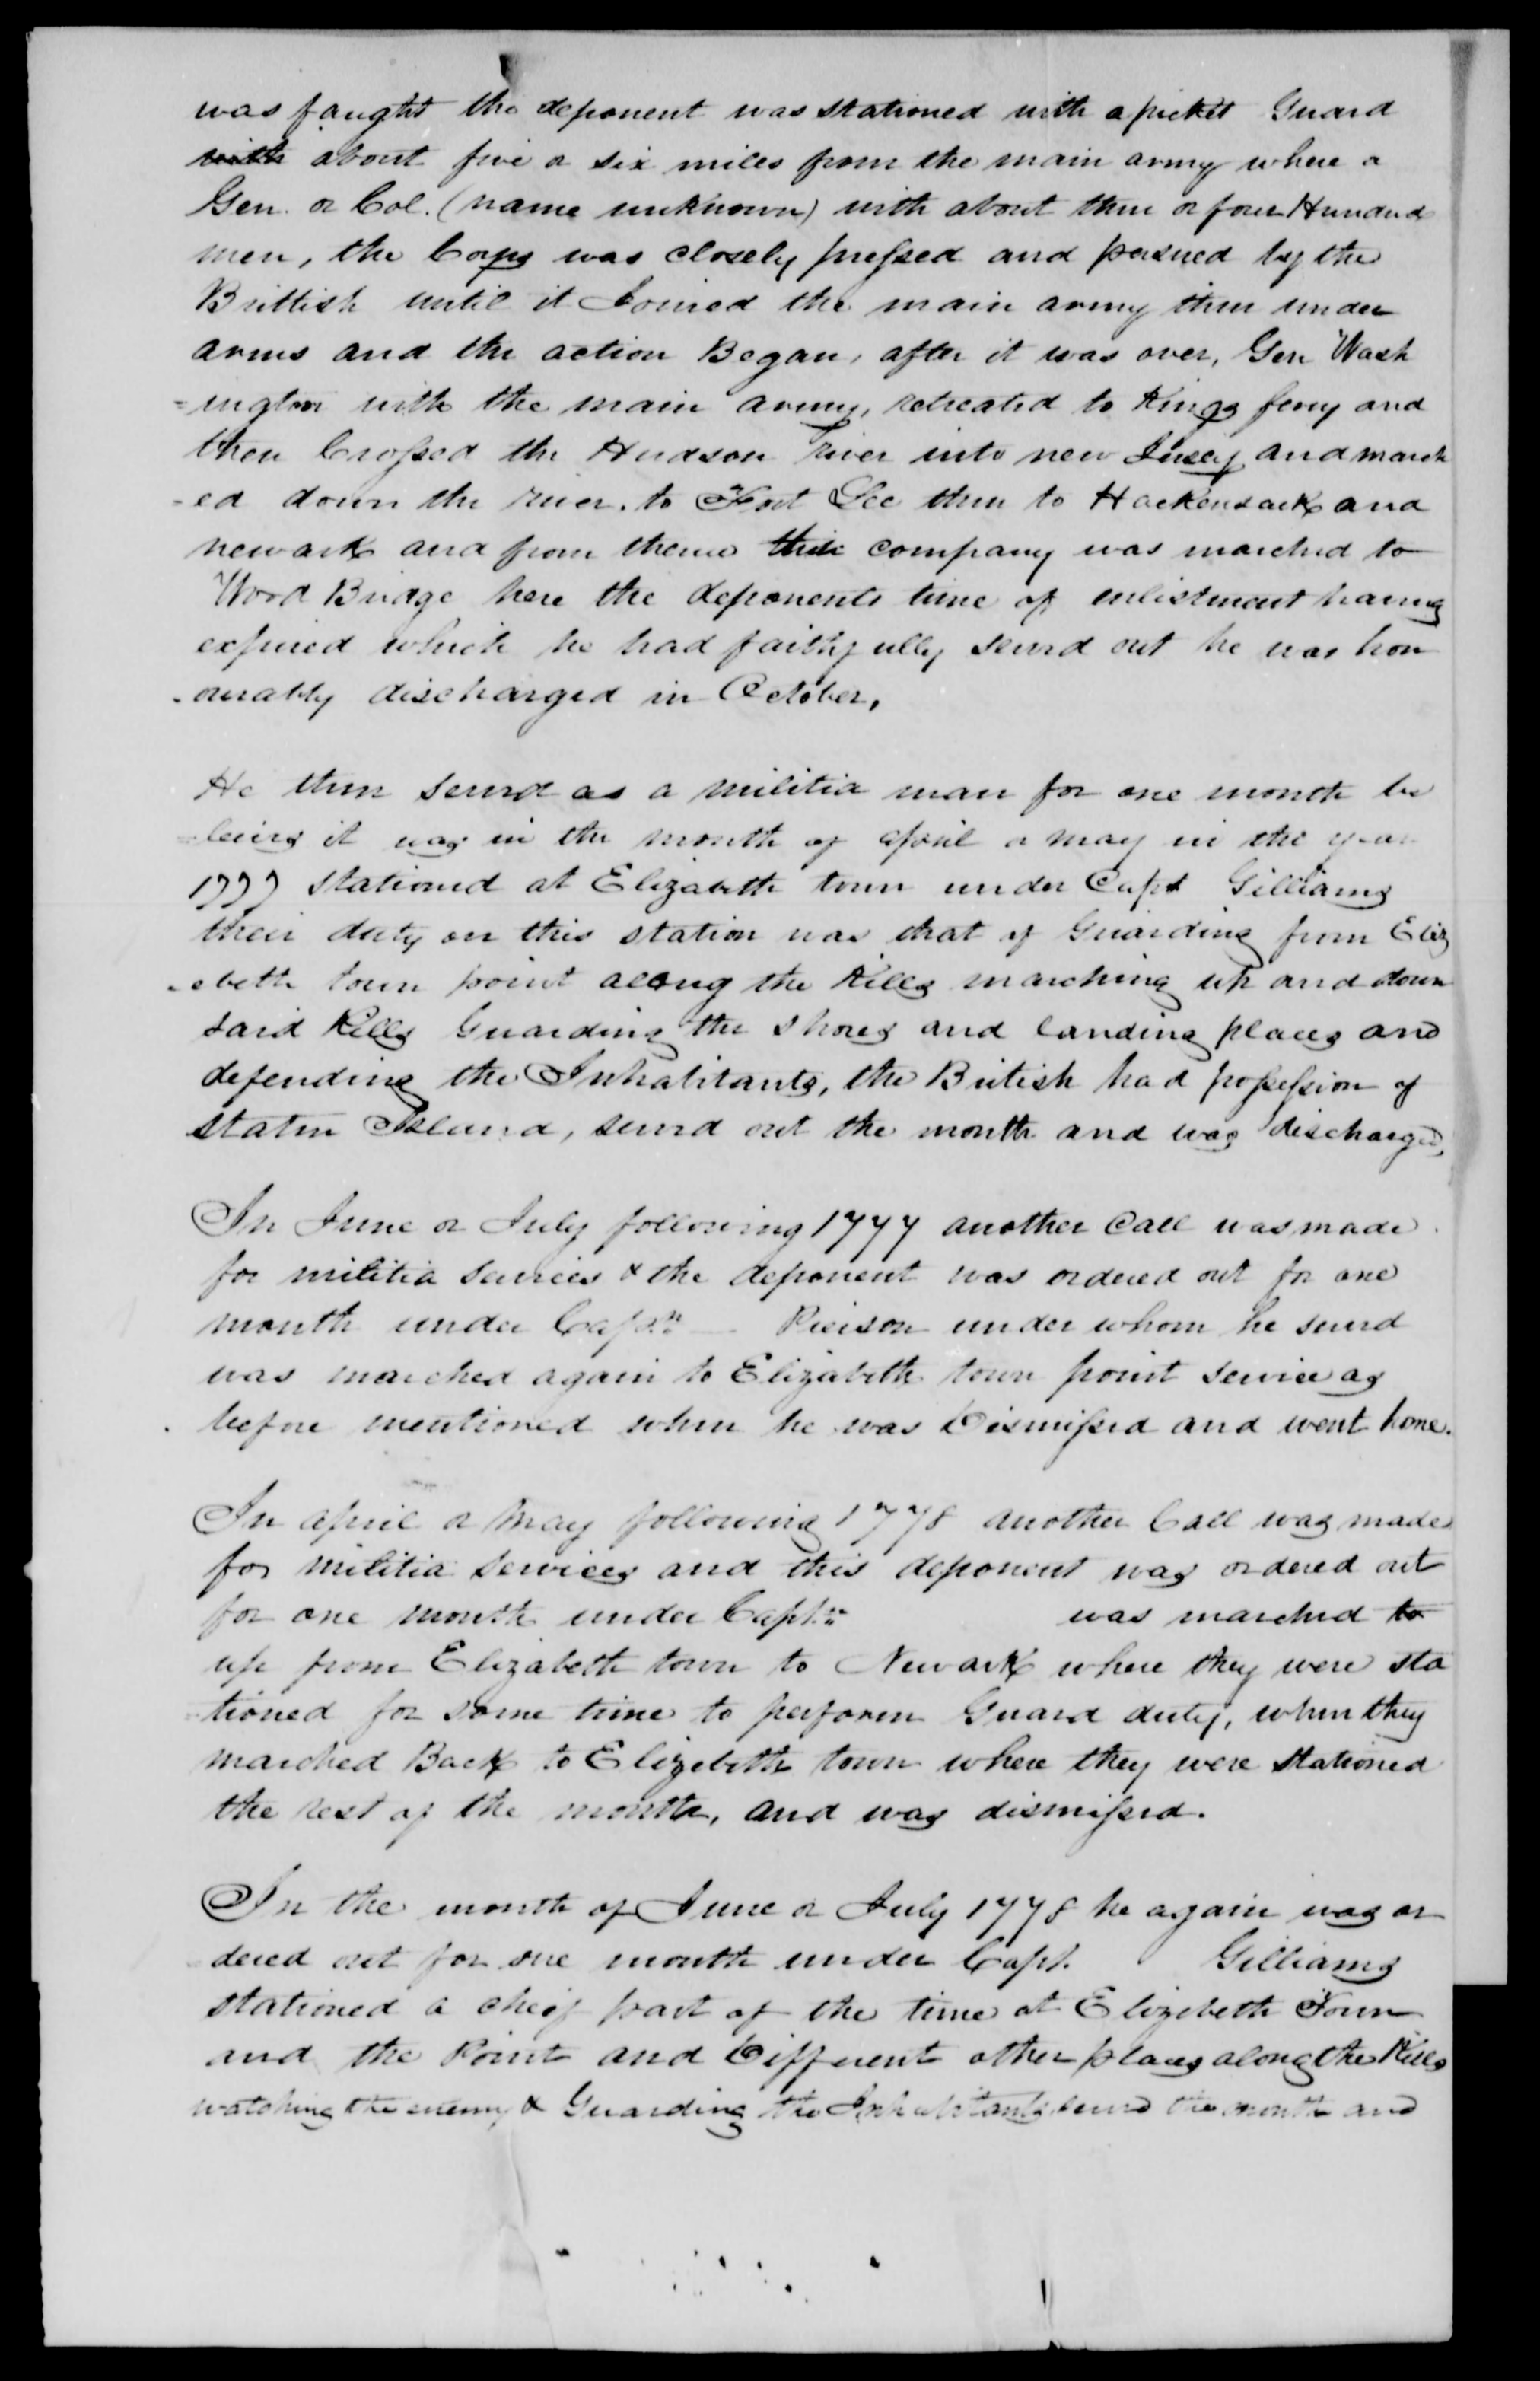was fought the deponent was stationed with a picket Guard ['with' crossed out] about five or six miles from the main army where a Gen. or Col. (name unknown) with about three or four hundred men, the corps was closely pressed and pursued by the Brittish [British] until it joined the main army then under arms and the action began, after it was over, Gen Washington with the main army retreated to Kings ferry and
then crossed the Hudson River into New Jersey and Marched down the river to Fort Lee then to Hackensack and Newark and from thence their company was marched to Wood Bridge here the deponents time of enlistment having expired which he had faithfully served out he was honourably discharged in October.

He then served as a militia man for one month believing it was in the month of April or May in the year 1777 stationed at Elizabeth town under Capt Williams their duty on this station was that of guarding from Elizabeth town point along the kills marching up and down said Kills Guarding the shores and landing places and defending the Inhabitants, the British had possession of
Staten Island, served out the month and was discharged.

In June or July following 1777 another call was made for militia services & the deponent was ordered out for one month under Capt Pierson under whom he served was marched again to Elizabeth town point service as before mentioned when he was Dismissed and went home.

In April or May following 1778 another call was made for militia services and this deponent was ordered out for one month under Capt.            
was marched up from Elizabeth town to Newark where they were stationed for some time to perform guard duty, when they marched Back to Elizabeth town where they were stationed
the rest of the month, and was dismissed.

In the month of June or July 1778 he again was or.    ered out for one month under Capt.        Williams stationed a chief part of the time at Elizabeth Town and the point and different other places along the Kills watching the enemy & Guarding the Inhabitants served the month and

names: [BLANK] Pierson; [BLANK] Gilliams; [BLANK] Gilliams; [BLANK] Washington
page: 22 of 30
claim: survivor's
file: S. 1104, for Simon Simonson, New Jersey